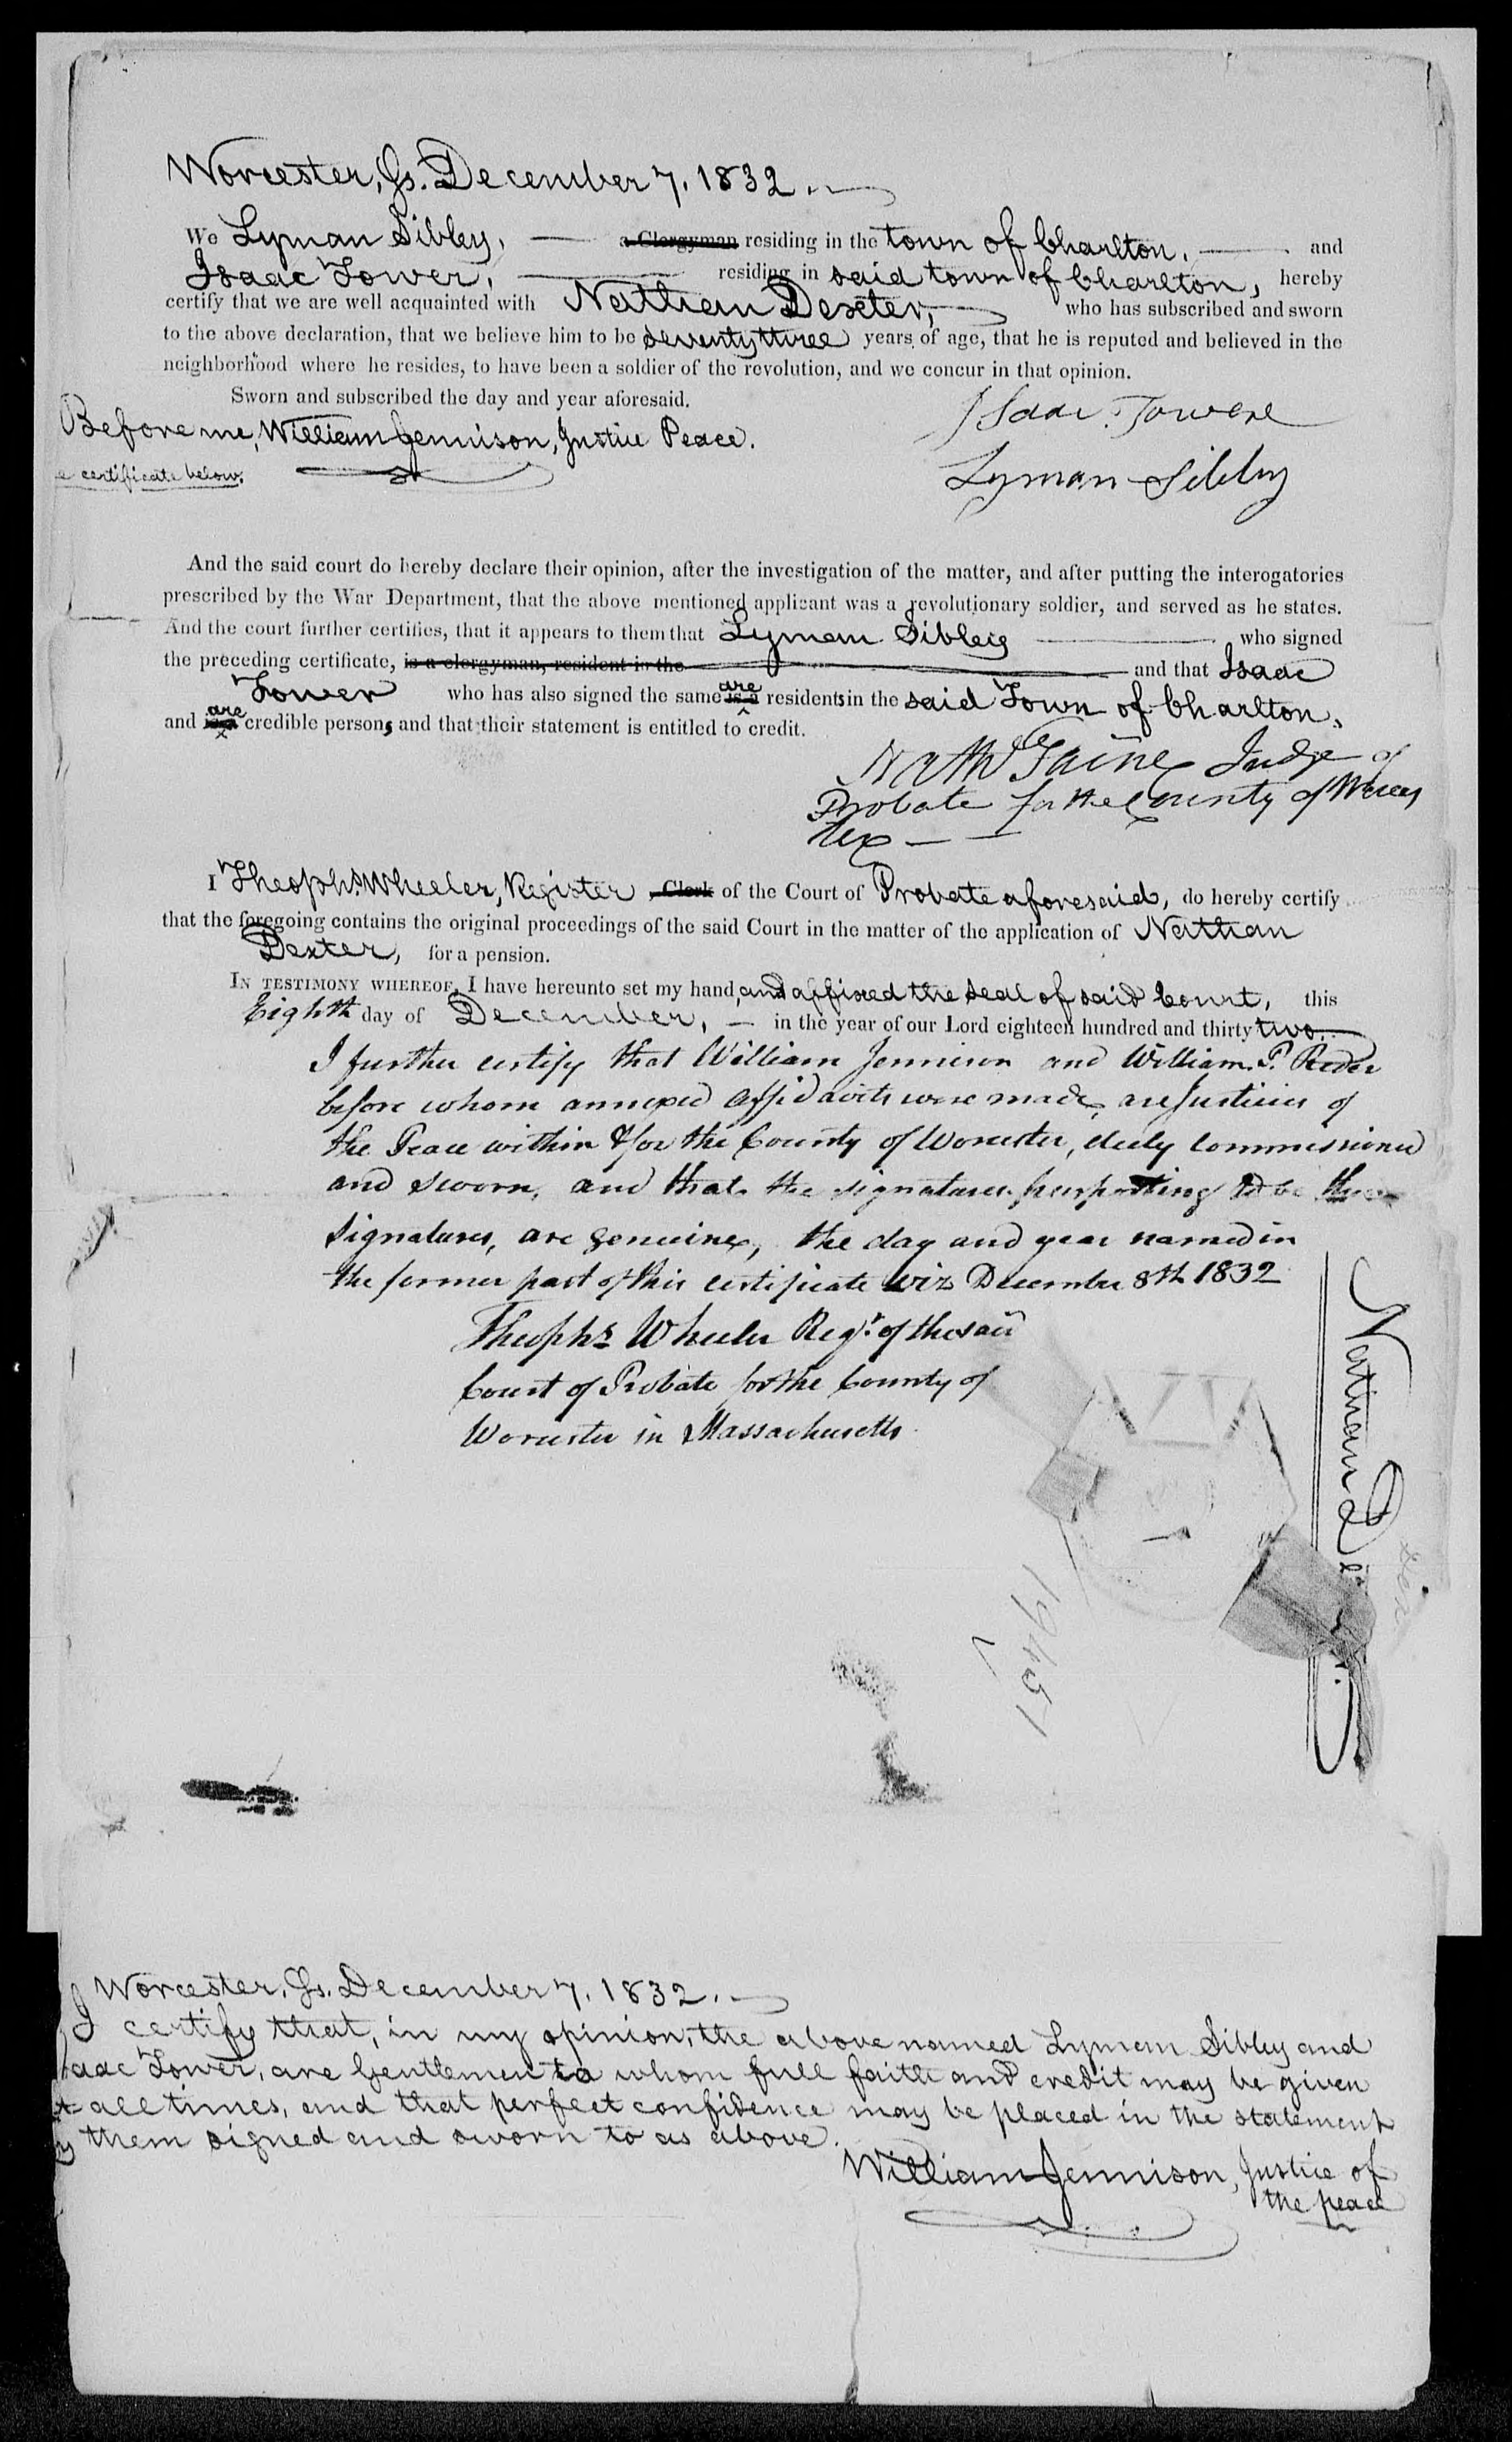Worcester Ss. December 7 1832
We Lyman Sibley residing in the town of Charlton and Isaac Tower residing in the said town of Charlton, hereby certify that we are well acquainted with Nathan Dexter who has subscribed and sworn to the above declaration, that we believe him to be seventy three years of age, that he is reputed and believed in the neighborhood where he resides, to have been a soldier of the revolution, and we concur in that opinion. Sworn and subscribed the day and year aforesaid. Isaac Tower Lyman Sibley Before me William Jennison, Justice Peace. certificate below.

And the said court do hereby declare their opinion, after the investigation of the matter, and after putting the interogatories prescribed by the War Department, that the above mentioned applicant was a revolutionary soldier, and served as he states. And the court further certifies, that is appears to them that Lyman Sibley who signed the preceding certificate, and that Isaac Tower who has also signed the same are residents in the said Town of Charlton and are credible persons and that their statement is entitled to credit. Nathl Paine Judge of Probate for the County of Worcester.

I Theophs. Wheeler, Register of the Court of Probate aforesaid, do hereby certify that the foregoing contains the original proceedings of the said Court in the matter of the application of Nathan Dexter for a pension. IN TESTIMONY WHEREOF, I have hereunto set my hand and affixed the seal of said Court, this eighth day of December, in the year of our Lord eighteen hundred and thirty two. I further certify that William Jennison and William G. Rider before whom annexed affidavits were made are Justices of the Peace within & for the County of Worcester, duly commissioned and sworn and that the signatures purporting to be their signatures are genuine, the day and year named in the former part of their certificate viz December 8th 1832 Theophs Wheeler Regr. of the said Court of Probate in the County of Worcester in Massachusetts.
Nathan Dexter 19451
Worcester Ss. December 7, 1832. I certify that in my opinion the above named Lyman Sibley and Isaac Tower, are Gentlemen to whom full faith and credit may be given at all times, and that perfect confidence may be placed in the statement by them signed and sworn to as above. Willam Jennison, Justice of the Peace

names: Nathl Paine, Isaac Tower, Isaac Tower, Nathan Dexter, Lyman Sibley, Lyman Sibley, Nathan Dexter, William G Rider, William Jennison, William Jennison, Theophs Wheeler, Nathan Dexter, Isaac Towere, Isaac Tower, William Jennison, Theophs Wheeler, Lyman Sibley, Lyman Sibley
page: 4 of 35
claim: survivor's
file: S. 18374, Nathan Dexter, R.I.